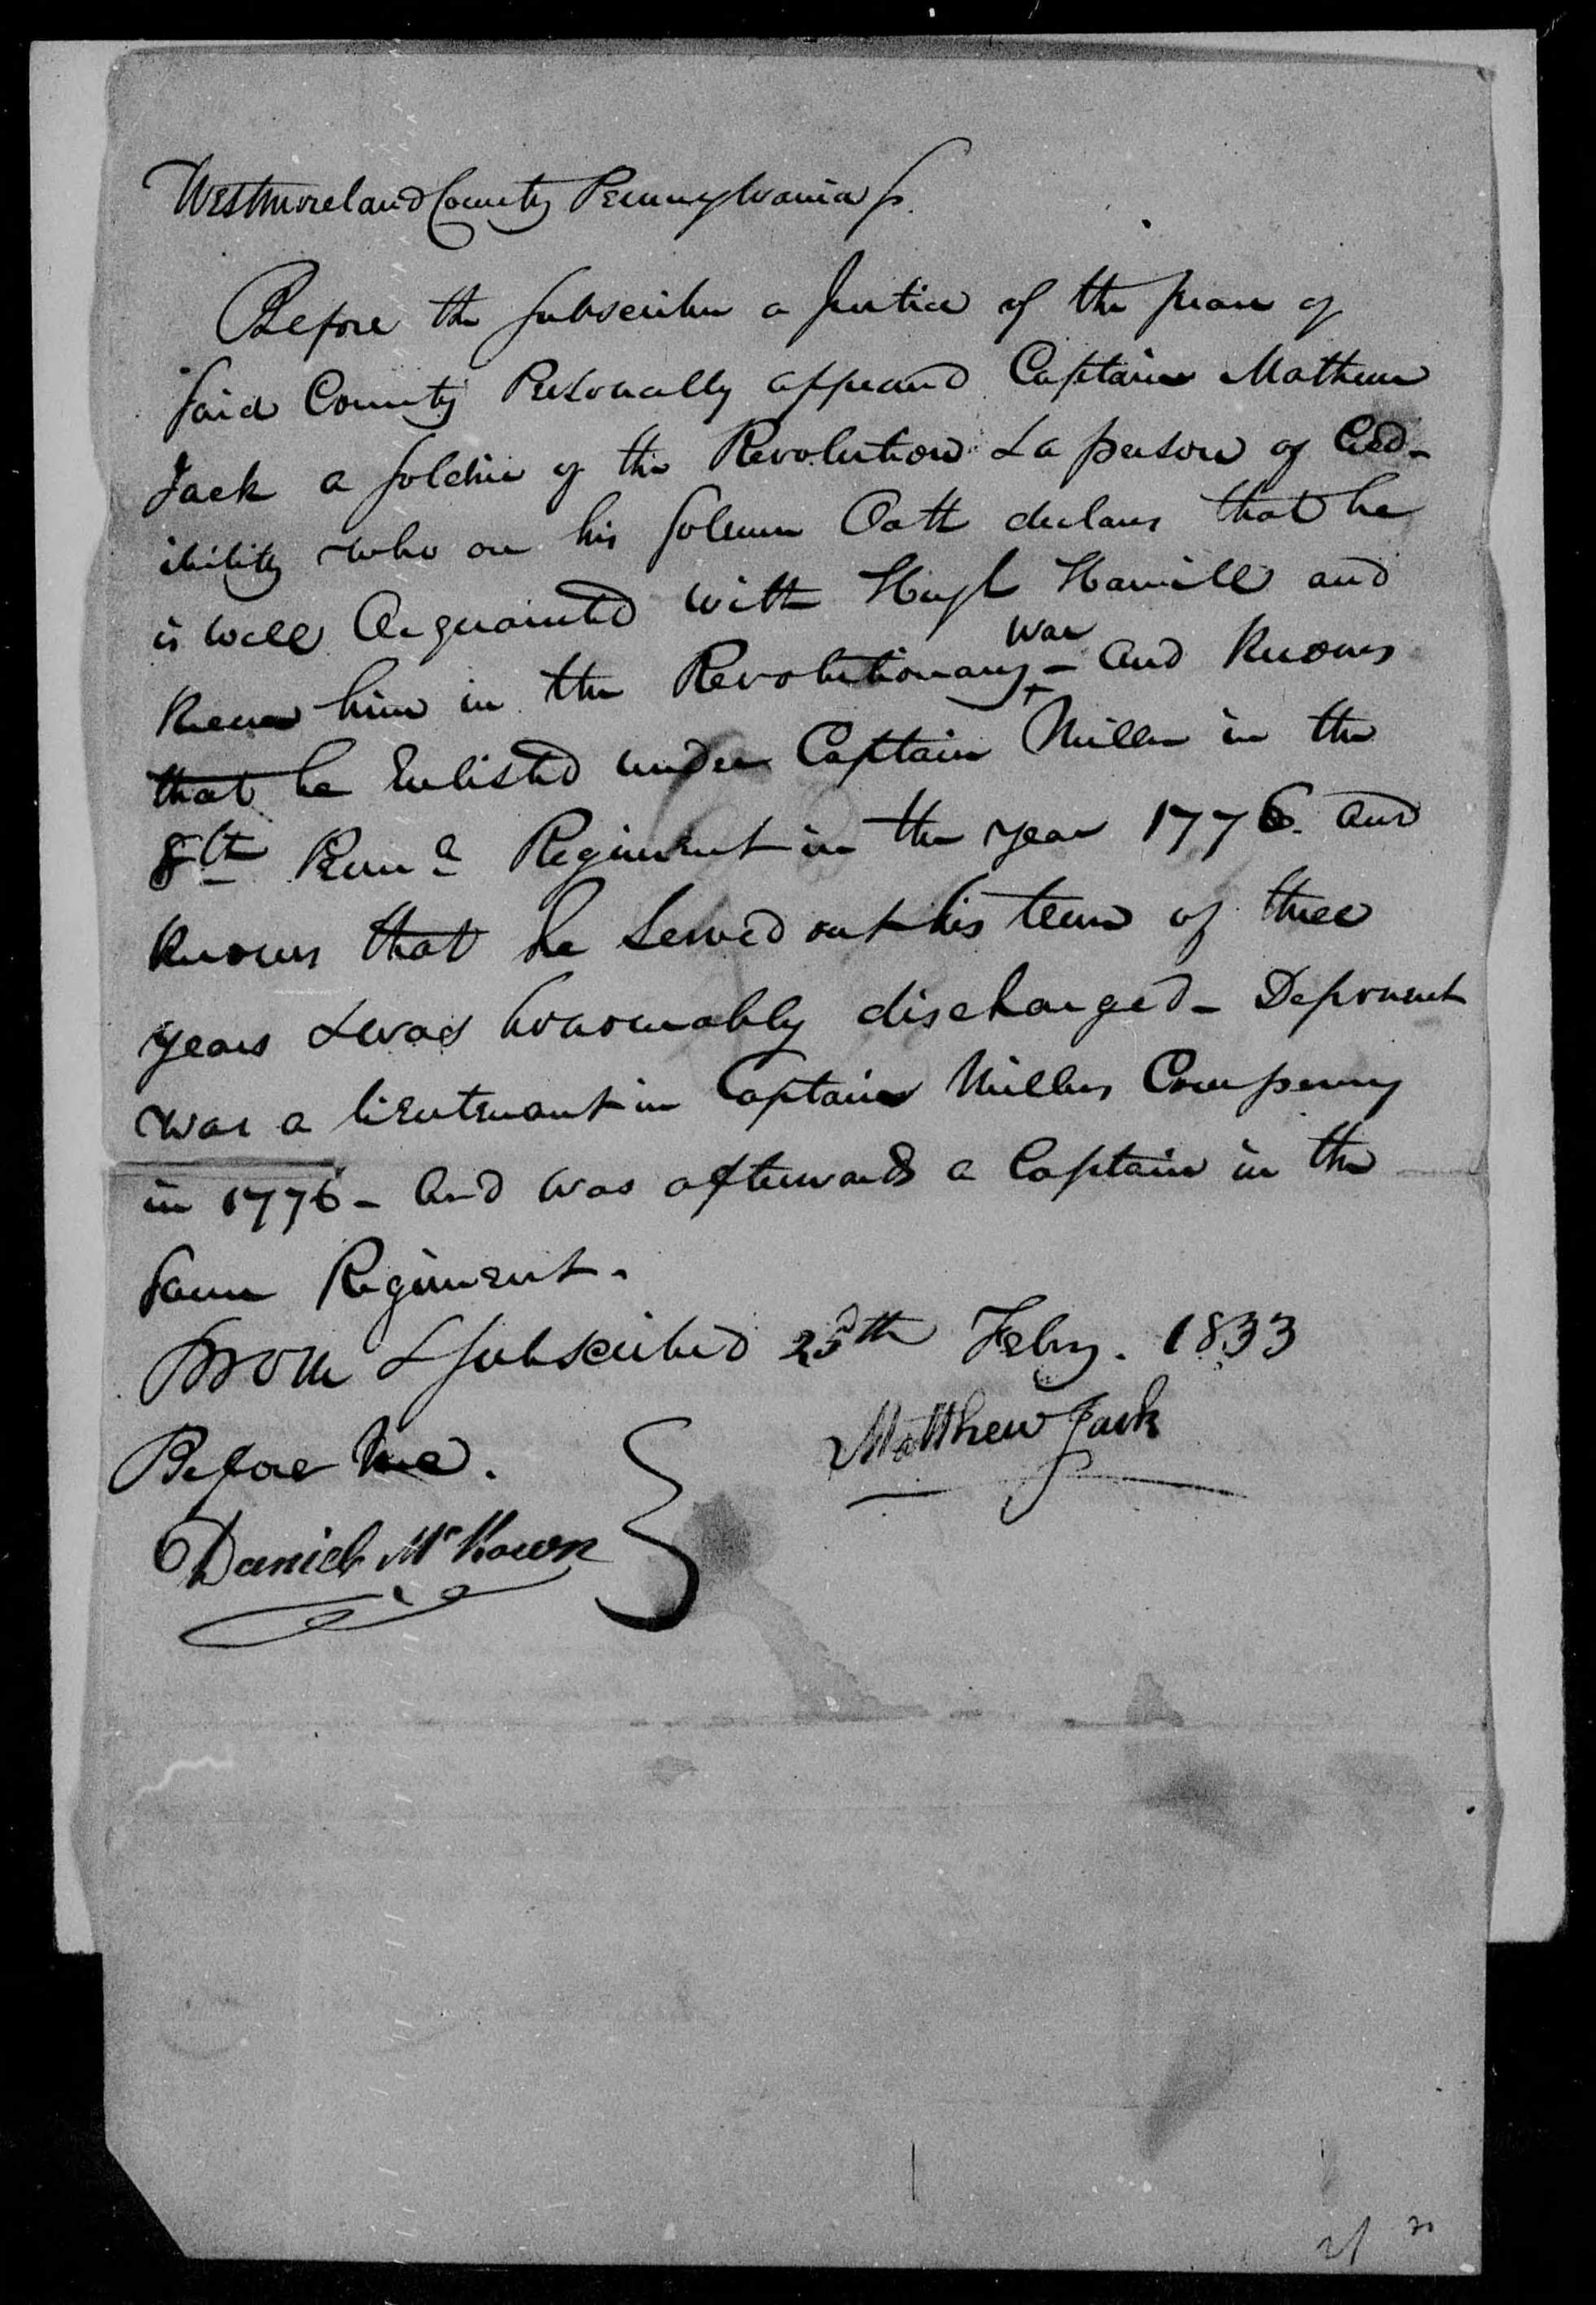Westmoreland County Pennsylvania

Before the Subscriber a Justice of the peace of
said County Personally appeared Captain Mathew Jack a Soldier of the Revolution & a person of credibility who on his solemn Oath declares that he is well acquainted with Hugh Hamill and knew him in the Revolutionary War and knows that he enlisted under Captain Miller in the 8th [Illegible] Regiment in the year 1776. and knows that he served out his term of three years & was honorably discharged. Deponent was a lieutenant in Captain Millers Company 1776 - and was afterwards a Captain in the Same Regiment
Sworn & subscribed 25th Febry. 1833
Matthew Jack
Before me
Daniel McKown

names: Mathew Jack, Daniel Mc Kown, Matthew Jack, Hugh Hamill, Miller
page: 81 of 92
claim: widow's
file: W 1173, Robert Hamill, Penn.